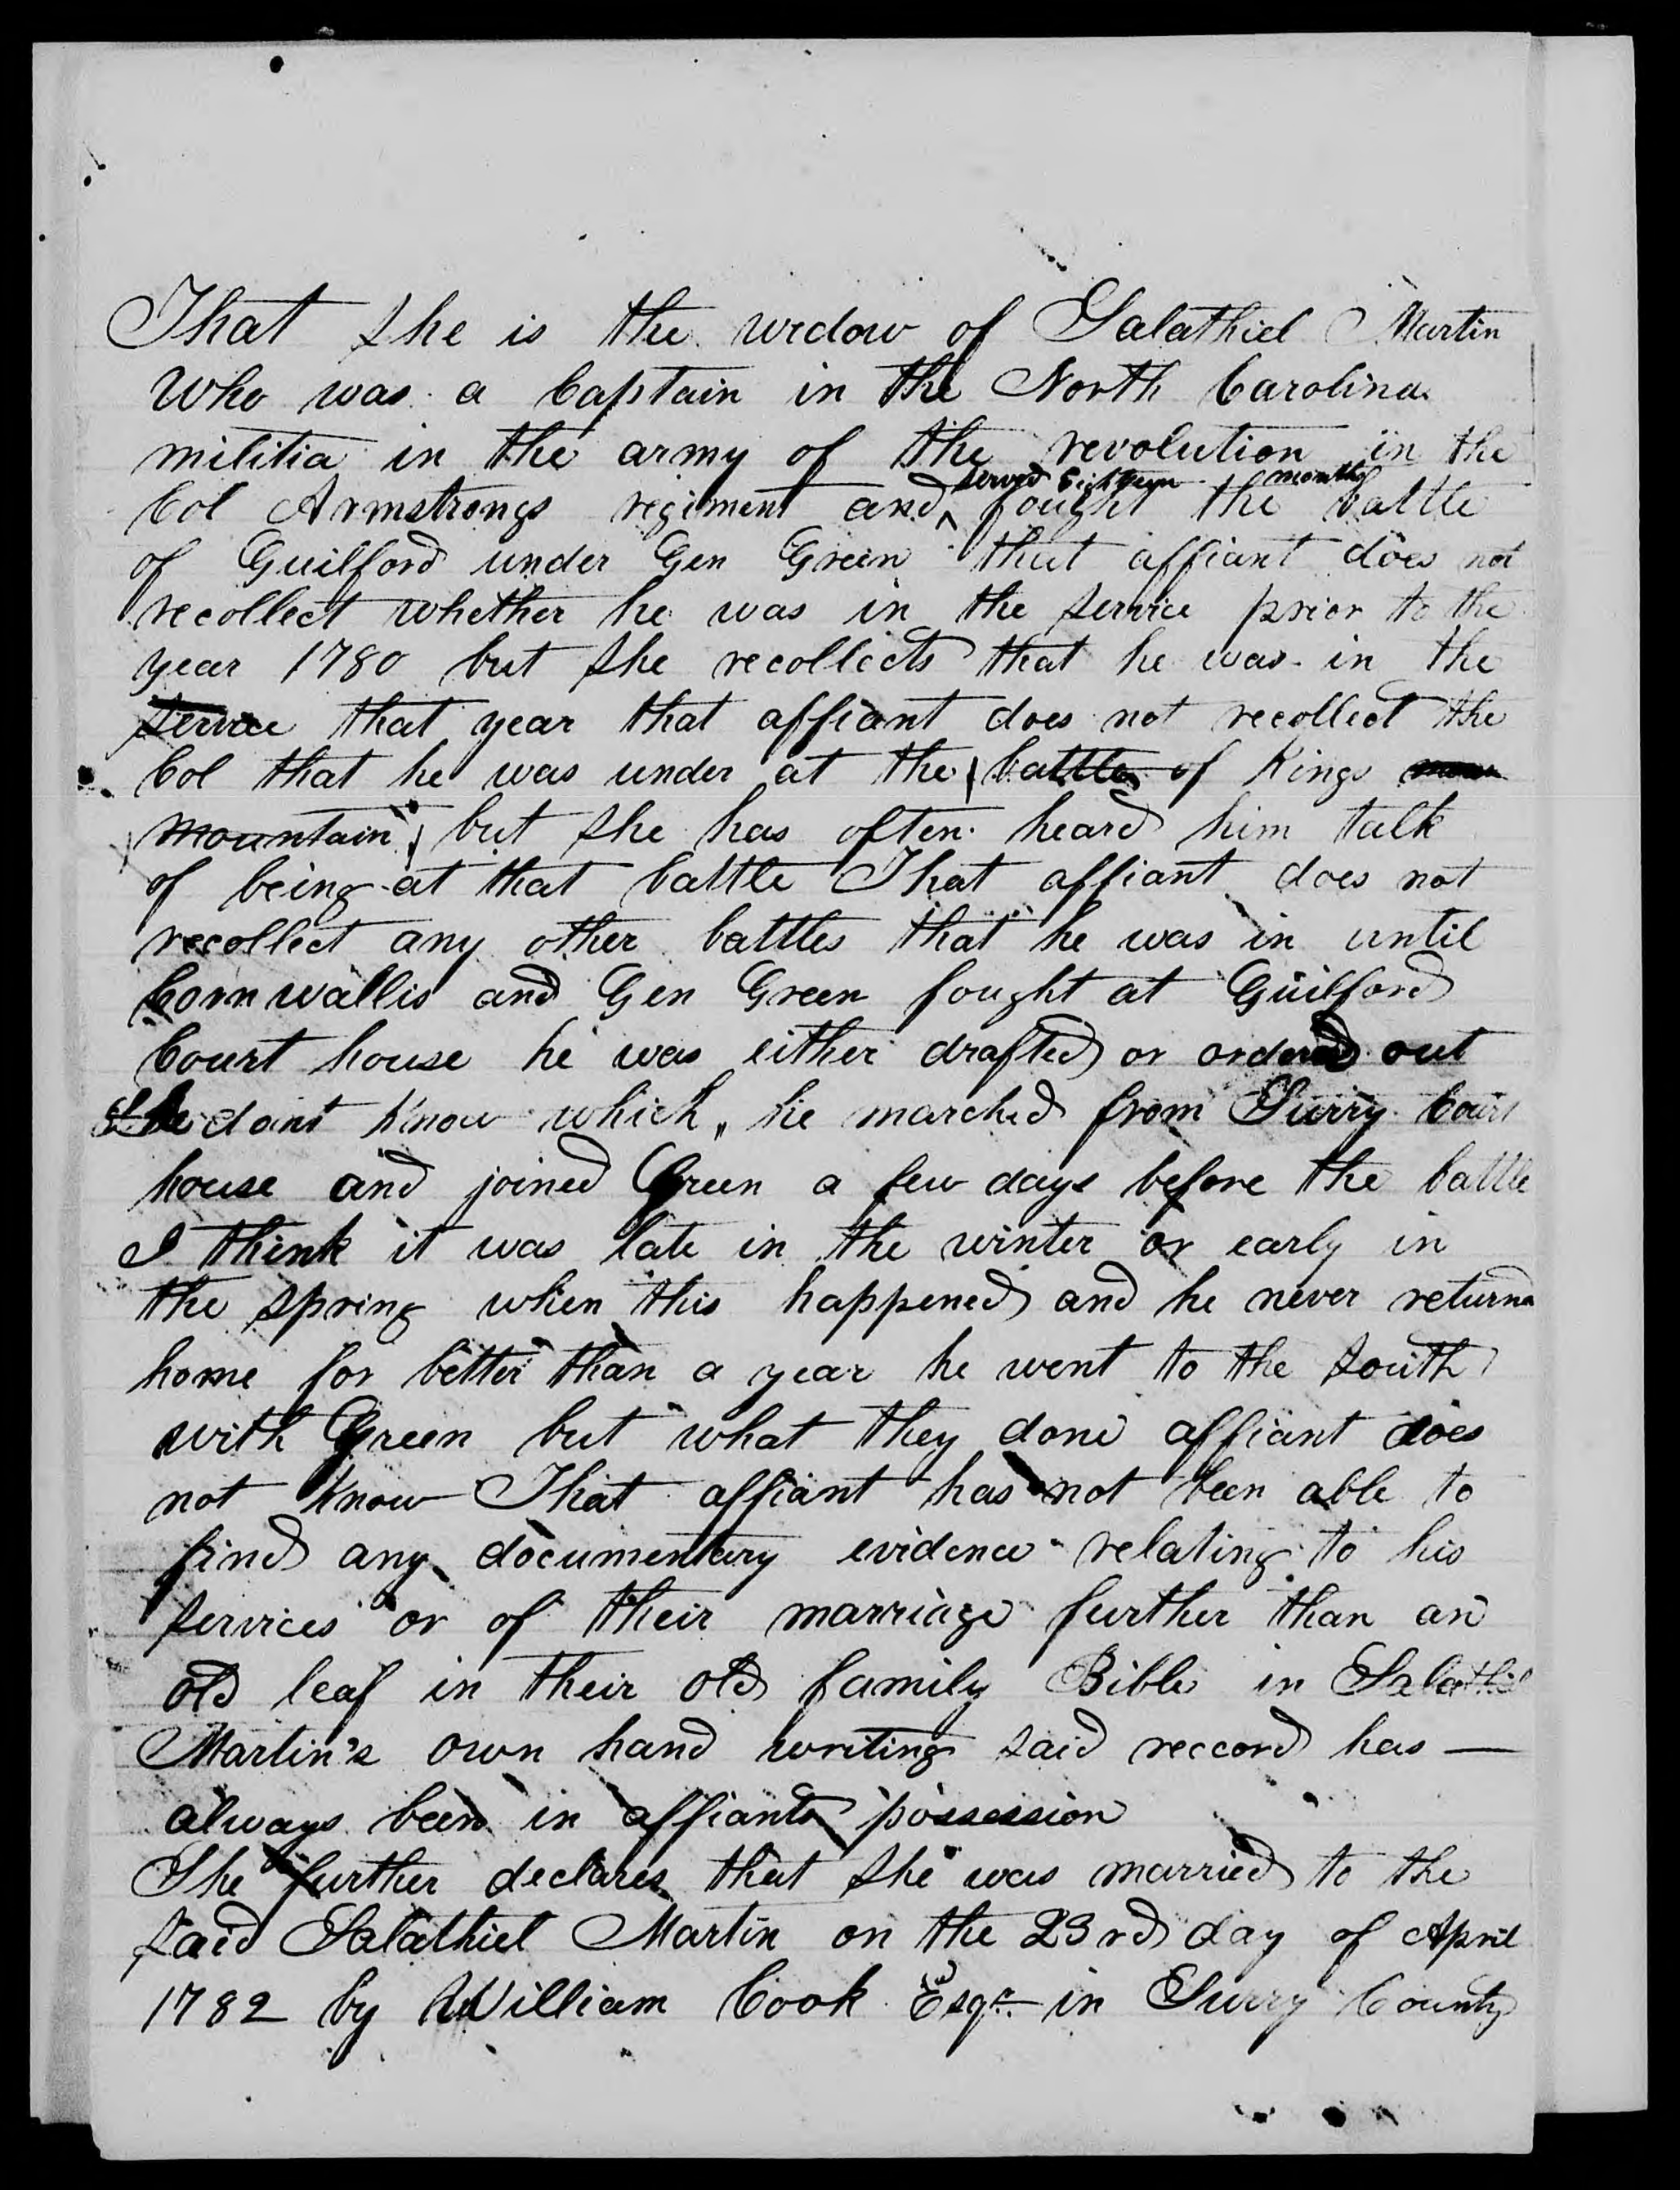That she is the widow of Salathiel Martin 
who was a Captain in the North Carolina 
militia in the army of the revolution in the 
Col Armstrongs regiment and served eighteen months fought the battle 
of Guilford under Gen Green that affiant does not 
recollect whether he was in the service prior to the year 1780 but she recollects that he was in the 
Service that year that affiant does not recollect the 
Col that he was under at the battle of Kings mountain, but she has often heard him talk 
of being at that battle That affiant does not recollect any other battles that he was in until Cornwallis and Gen Green fought at Guilford Court house he was either drafted or ordered out 
she dont know which, he marched from Surry Court 
house and joined Green a few days before the battle 
I think it was late in the winter or early in the spring when this happened and he never returned 
home for better than a year he went to the South 
with Green but what they done affiant does not know That affiant has not been able to 
find any documentary evidence relating to his services or of their marriage further than an old leaf in their old family Bible in Salathiel Martin's own hand writing said record has always been in affiants possession 
She further declares that she was married to the 
said Salathiel Martin on the 23rd day of April 1782 by William Cook Esqr in Surry County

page: 5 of 120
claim: widow's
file: W. 1044, for Salathiel Martin, North Carolina